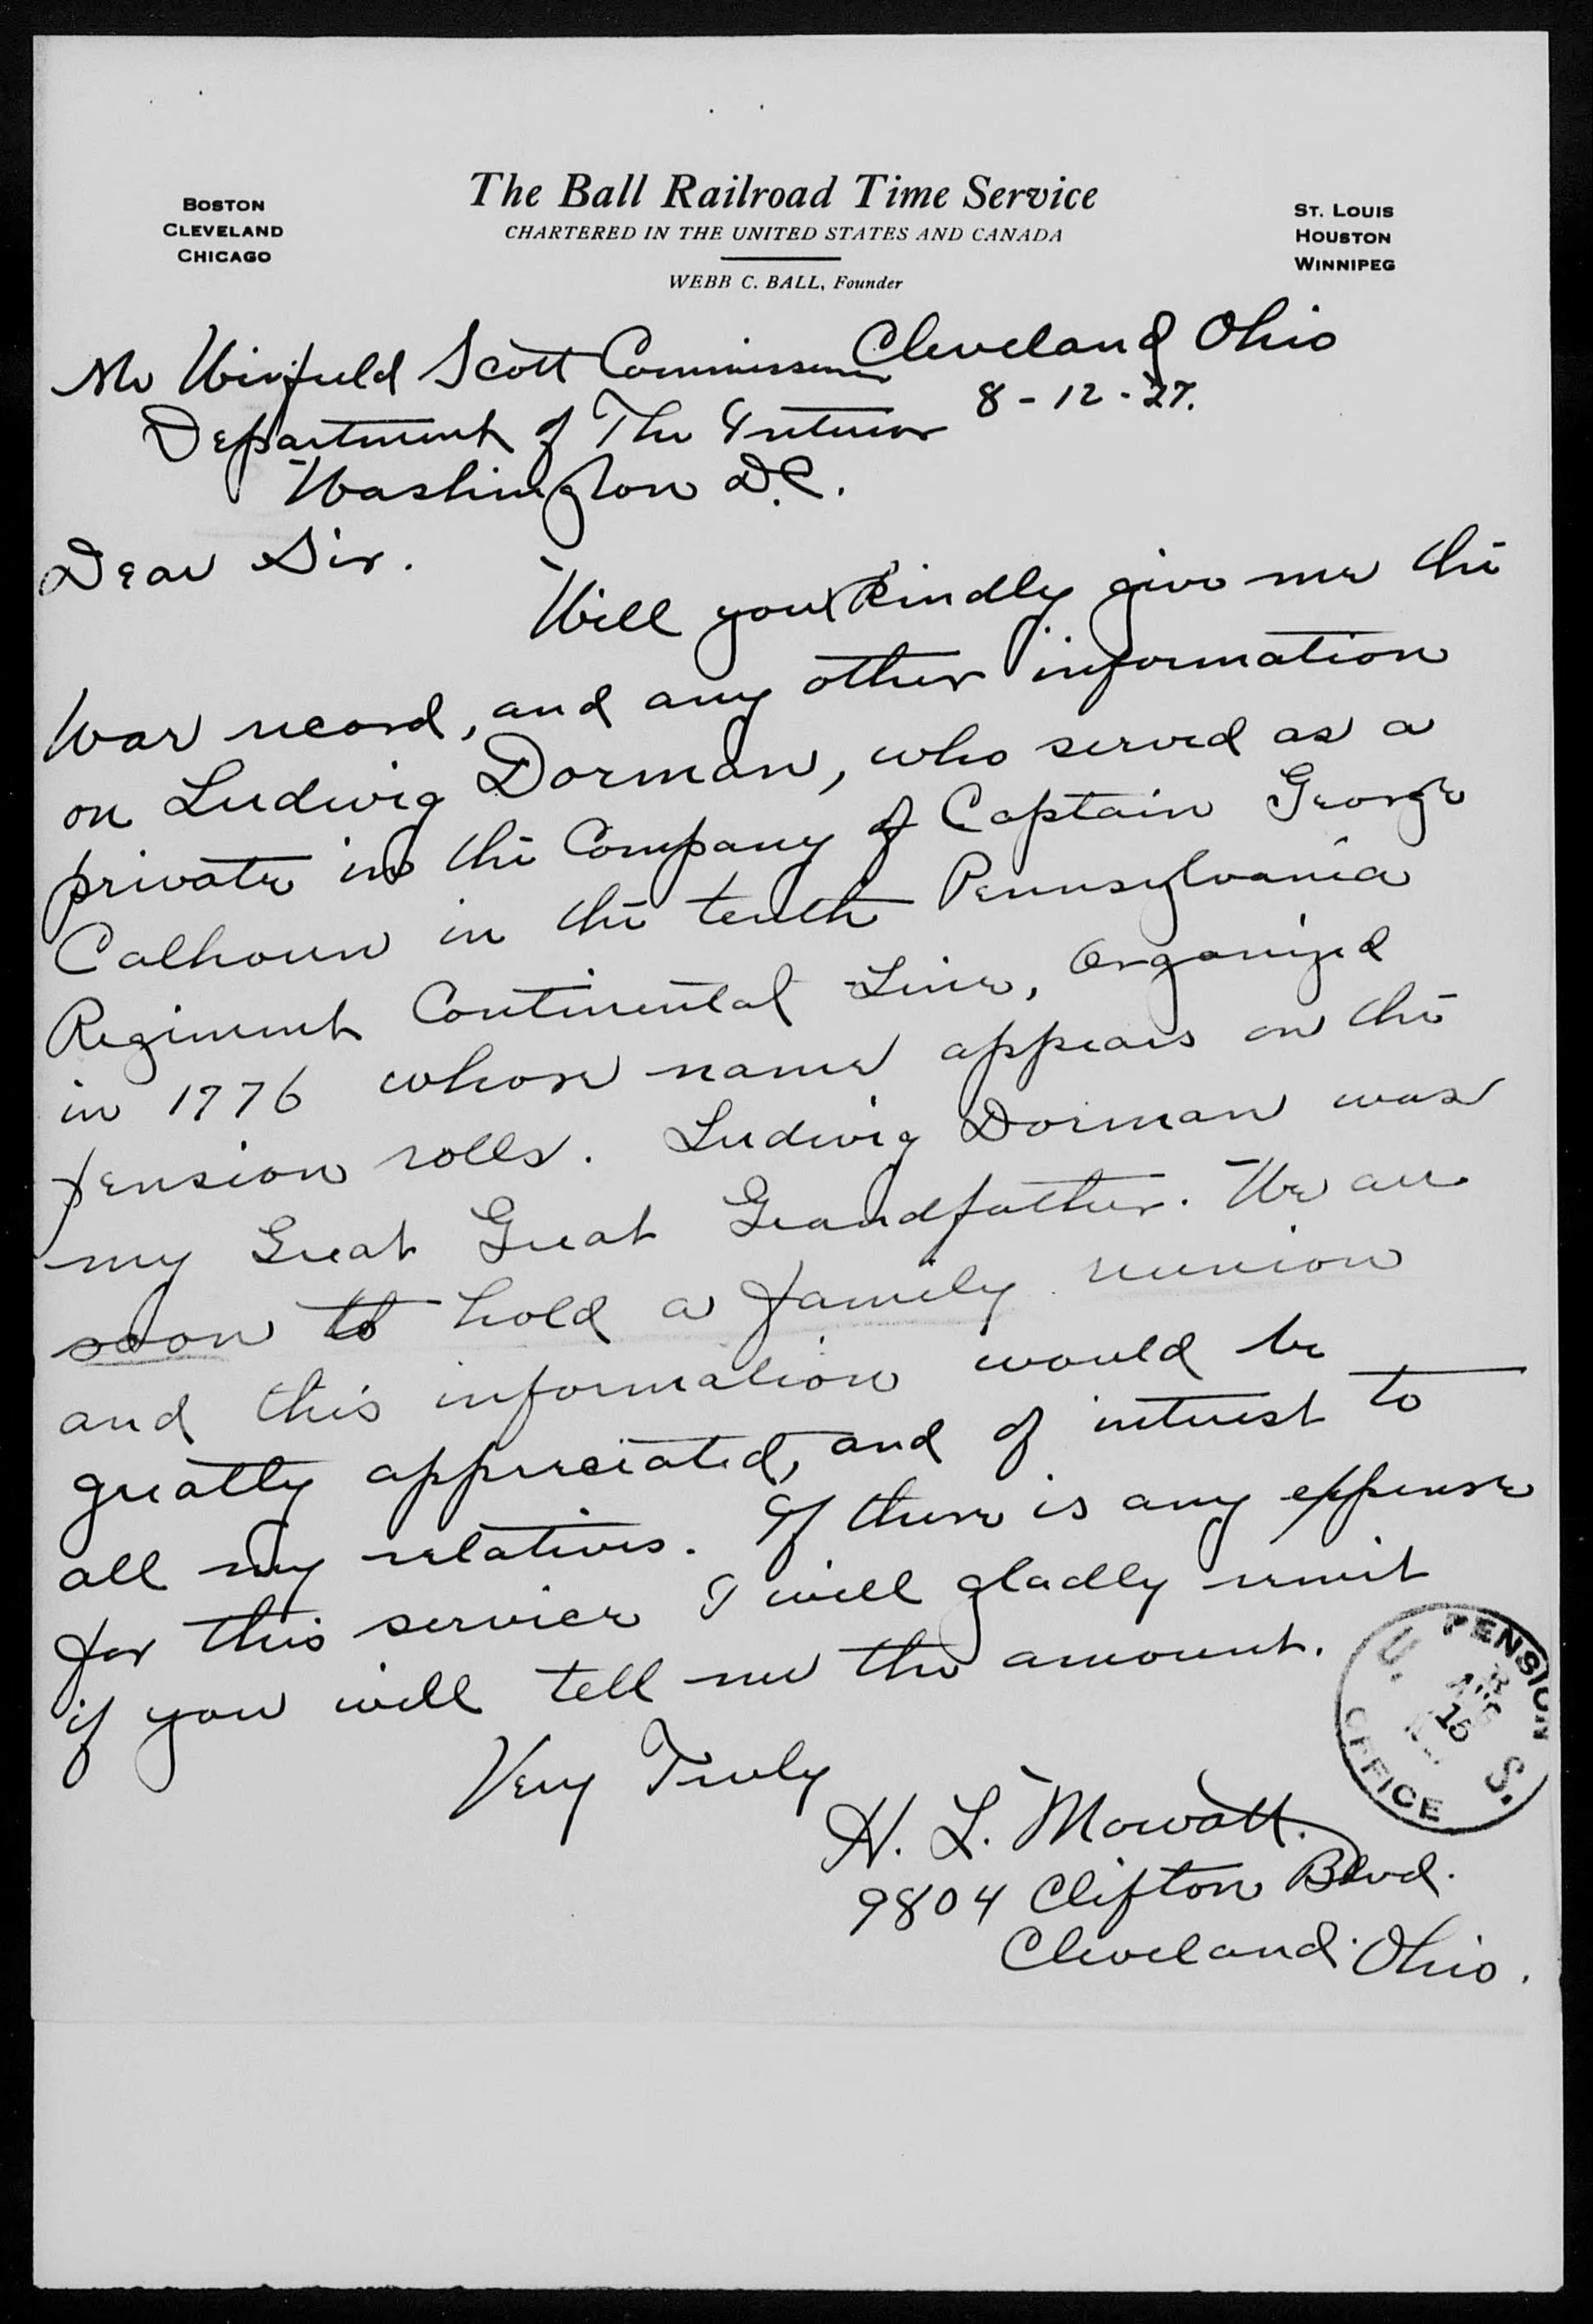BOSTON
CLEVELAND
CHICAGO
The Ball Railroad Time Service
CHARTERED IN THE UNITED STATES AND CANADA
WEBB C. BALL, Founder
Cleveland, Ohio
8-12-27
Mr. Winfield Scott Commissioner
Department of The Interior
Washington, D.C.
Dear Sir.
Will you kindly give me the War record, and any other information of Ludwig Dorman, who served as a private in the Company of Captain George Calhoun in the tenth Pennsylvania Regiment Continental Line, organized in 1776 whose name appears on pension rolls.  Ludwig Dorman was my Great Great Grandfather.  We are soon to hold a family reunion and this information would be greatly appreciated, and of interest to all of my relatives.  If there is any expense for this service I will gladly remit if you will tell me the amount.
Very Truly
H.L. Mowatt
9804 Clifton Blvd.
Cleveland, Ohio
(pension office receipt seal Aug 15)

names: Winfield Scott, H L Mowatt, Webb C Ball, Ludwig Dorman, Ludwig Dorman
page: 13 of 16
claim: survivor's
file: S. 42,175, Ludwig Dorman, Penn.